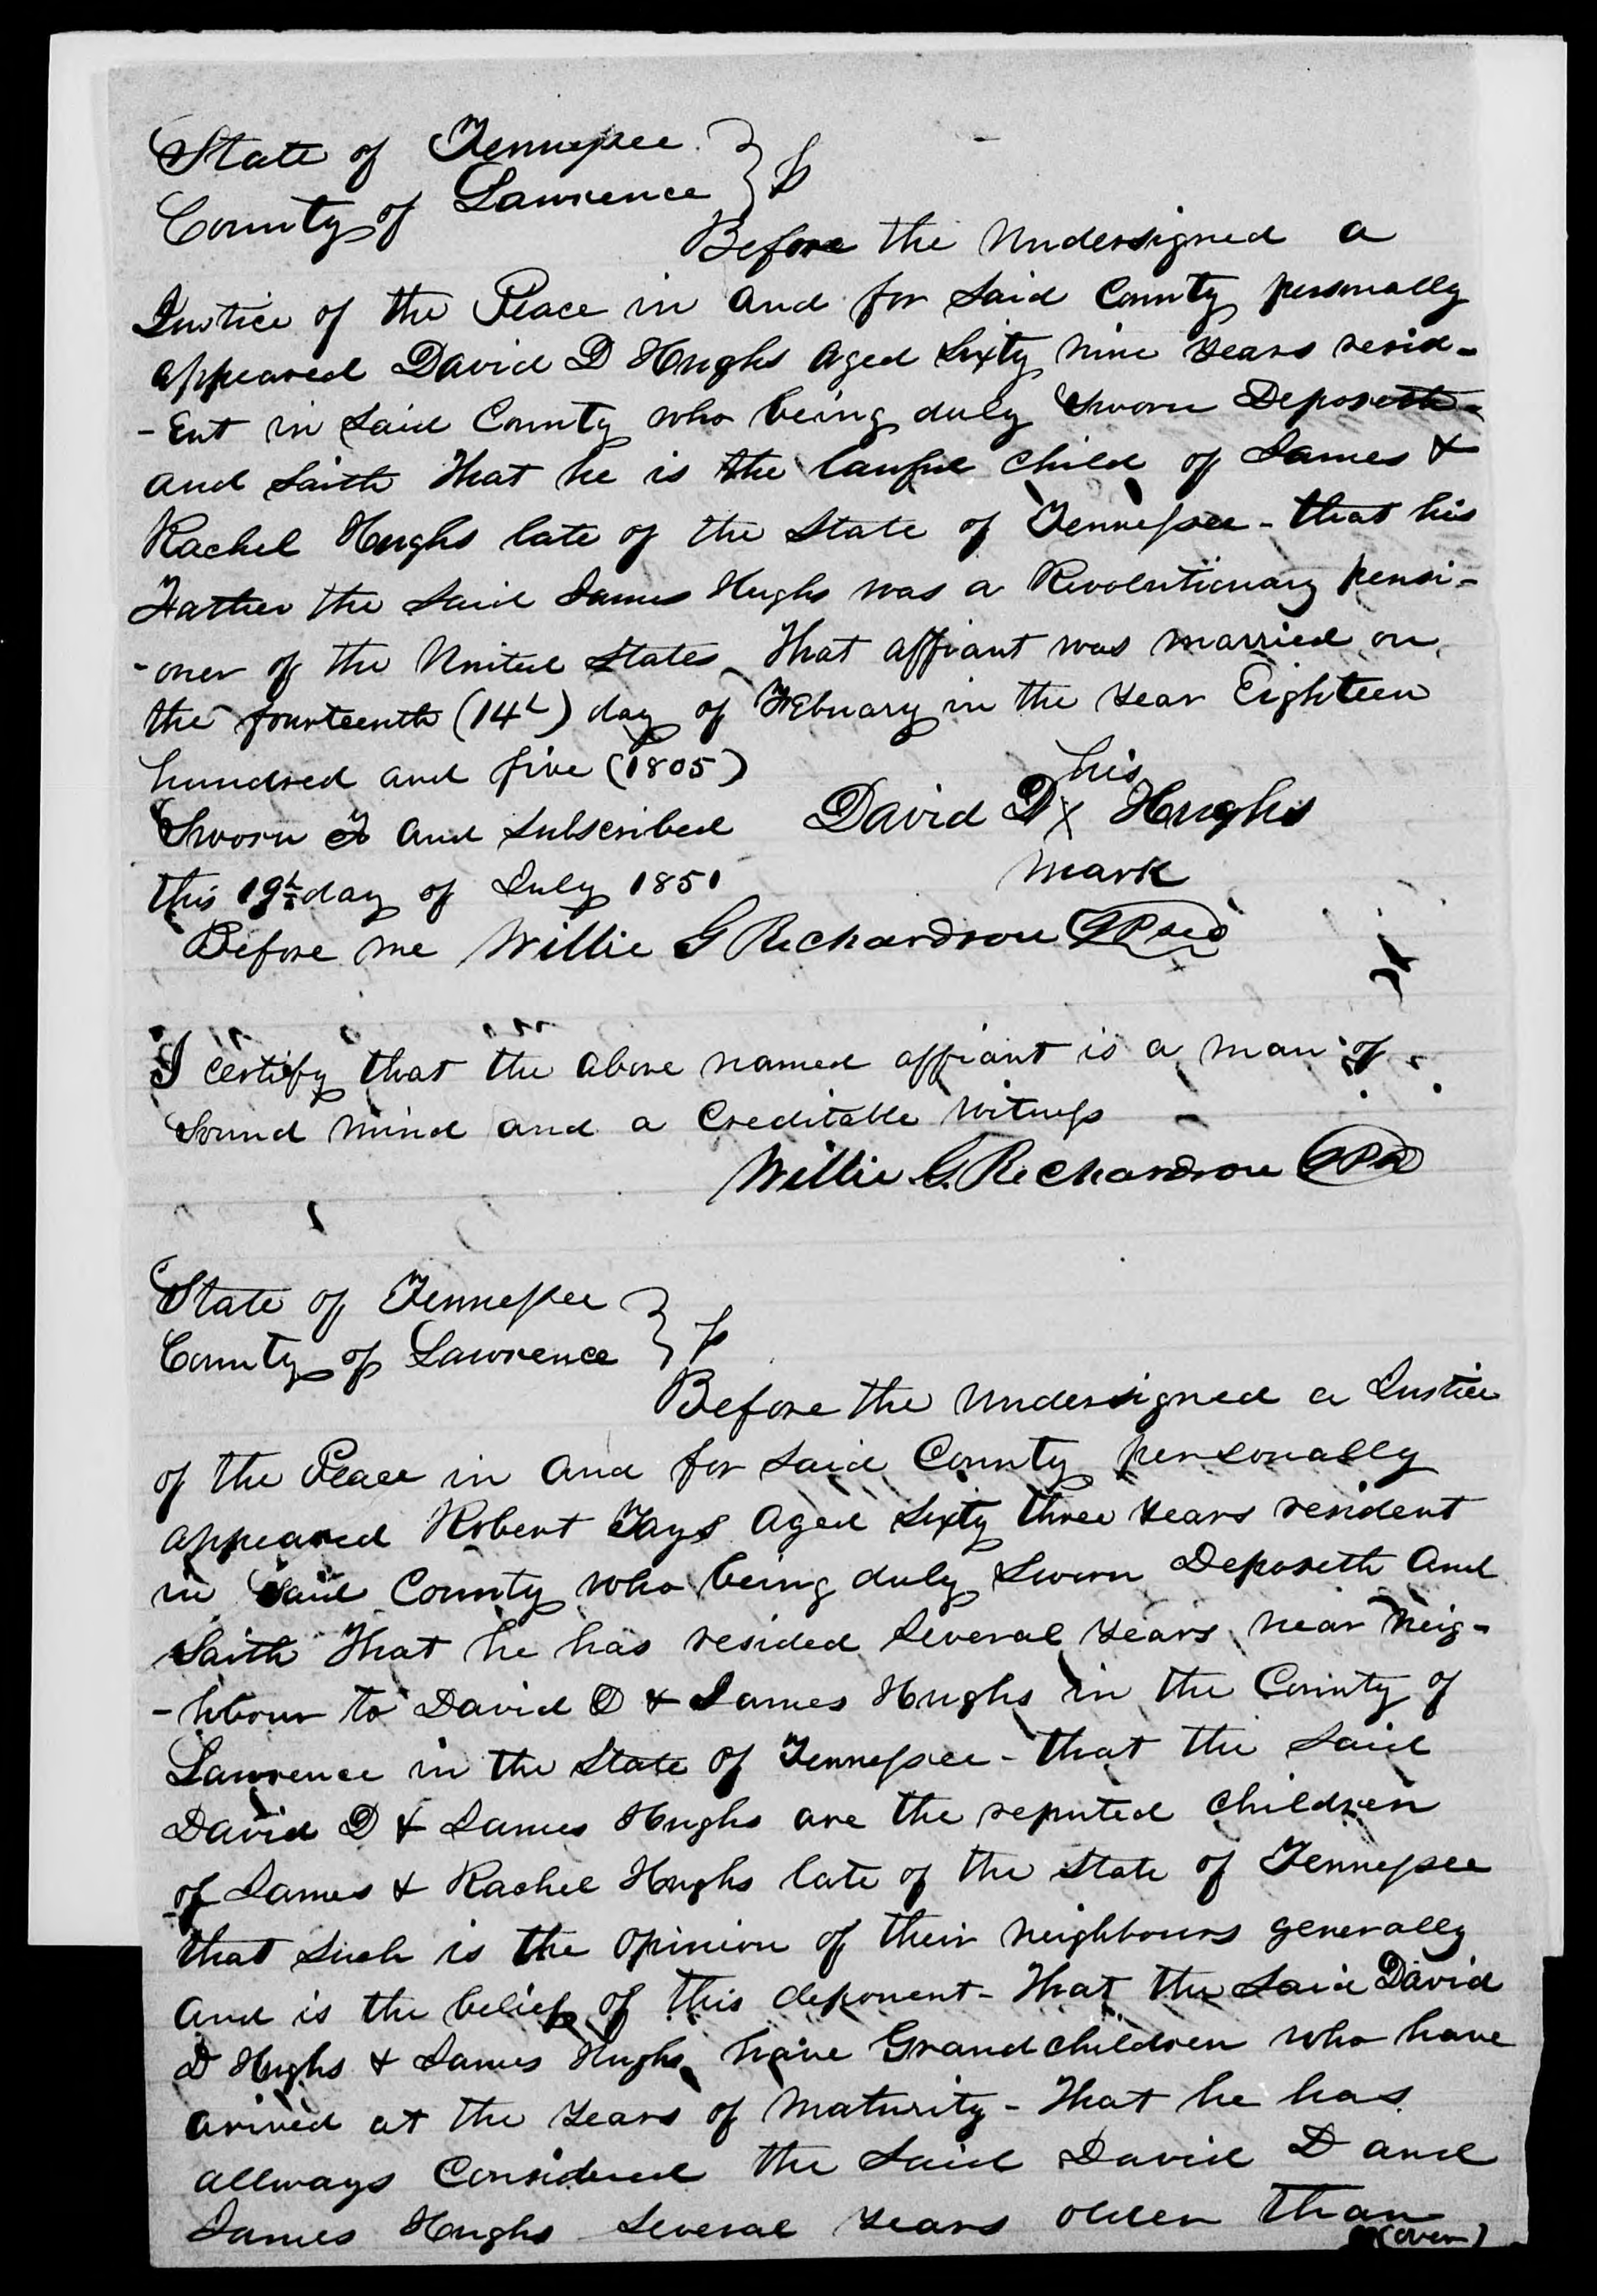State of Tennessee
County of Lawrence

Before the undersigned a Justice of the Peace in and for said County, personally appeared David D Hughs aged sixty nine years resident in said County, who being duly sworn deposeth and saith that he is the lawful child of James & Rachel Hughs late of the State of Tennessee. That his Father the said James Hughs was a Revolutionary pensioner of the United States.  That affiant was married on the fourteenth (14th) day of February in the year Eighteen hundred and five (1805)
Sworn to and subscribed 
this 19th day of July 1851

David D Hughs   X (his mark)
Before me Willie G. Richardson JPeace

I certify that the above named affiant is a man of sound mind and a creditable witness.
Willie G. Richardson JP

State of Tennessee
County of Lawrence
Before the undersigned a Justice of the Peace in and for said County personally appeared Robert Hays aged sixty three years resident in said county who being duly sworn deposeth and saith that he has resided several years near neighbors to David D & James Hughs in the County of Lawrence in the State of Tennessee. that the said David D & James Hughs are the reputed children of James & Rachel Hughs late of the State of Tennessee - that such is the opinion of their neighbors generally and is the belief of this deponent. That the said David D Hughs & James Hughs have grandchildren who have arrived at the years of maturity.  That he has always considered the said David D and James Hughs several years older than             
(over)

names: Willie G Richardson, David D Hughs, Robert Tays, James Hughs, Rachel Hughs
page: 10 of 24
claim: rejected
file: R. 5342, James Hues, N.C.